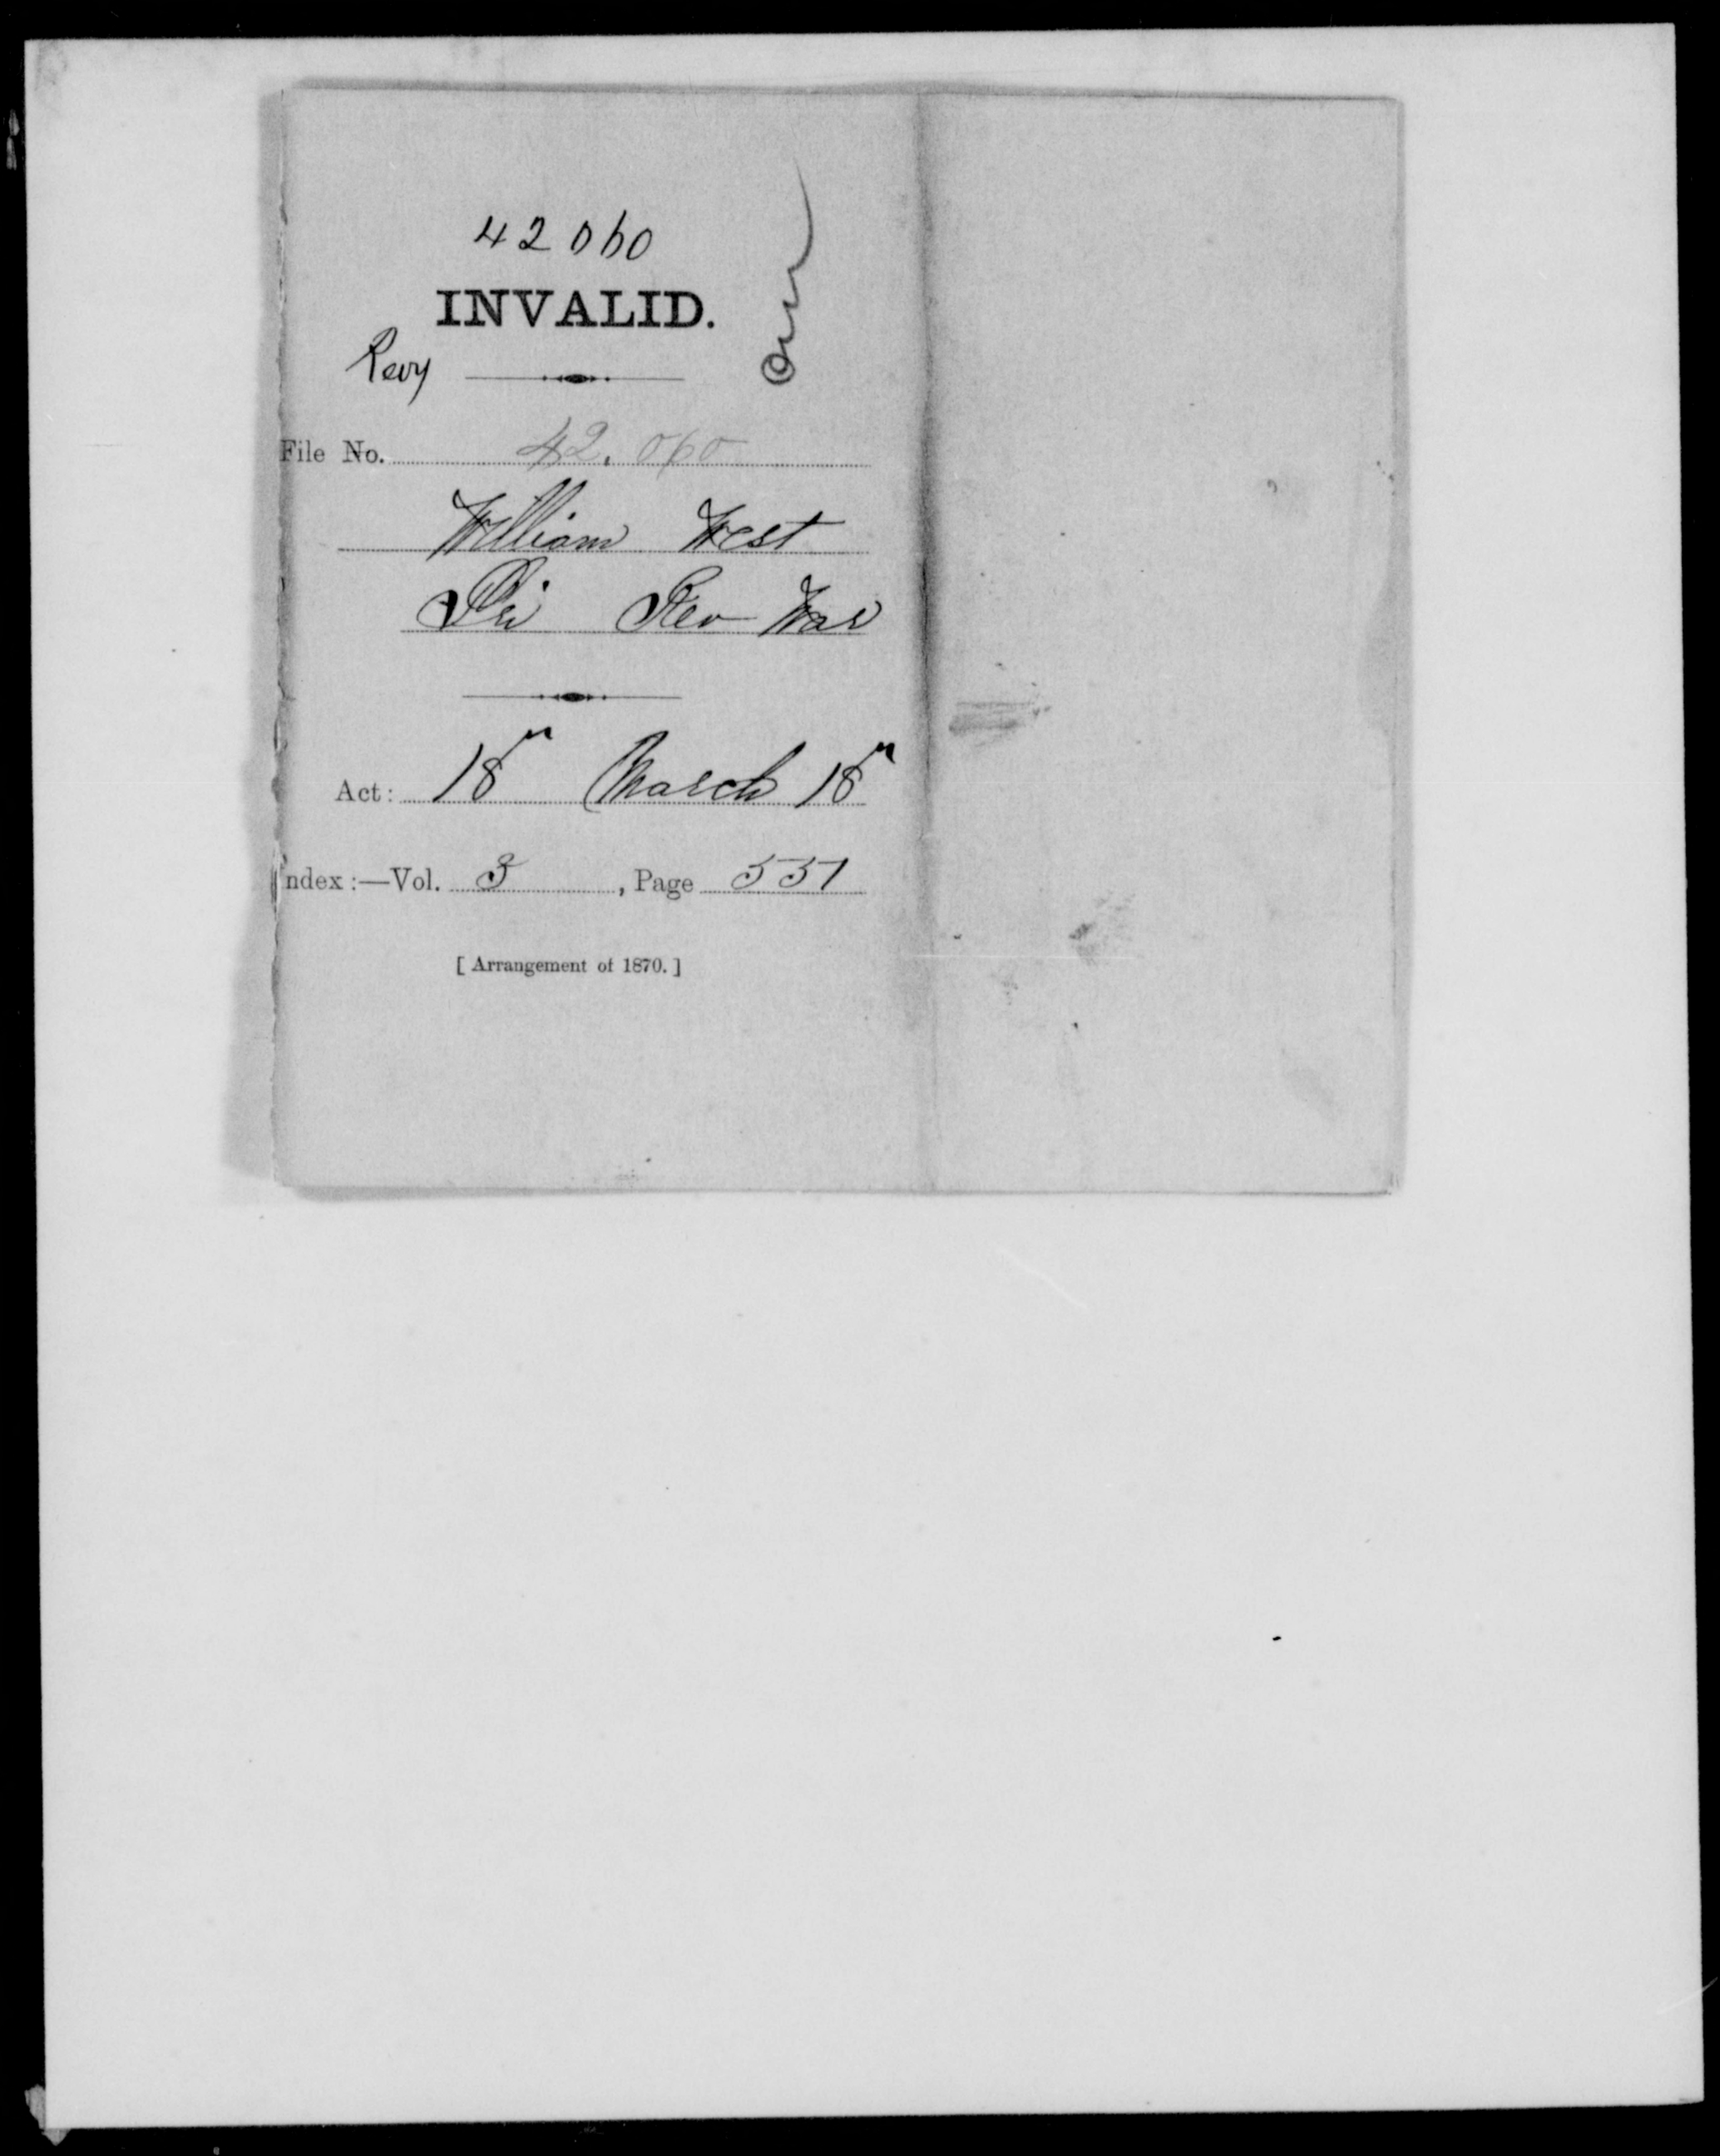42060
INVALID.
Revy [decorative line border] [squiggly initial 'O...]
File No. .... 42.060
William West
[illegible] Rev War
[decorative line border]
Act: 18h March 18h
Index: - Vol. 3, Page 537
[Arrangement of 1870.]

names: William West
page: 2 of 12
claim: survivor's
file: S. 42060, William West, Md.